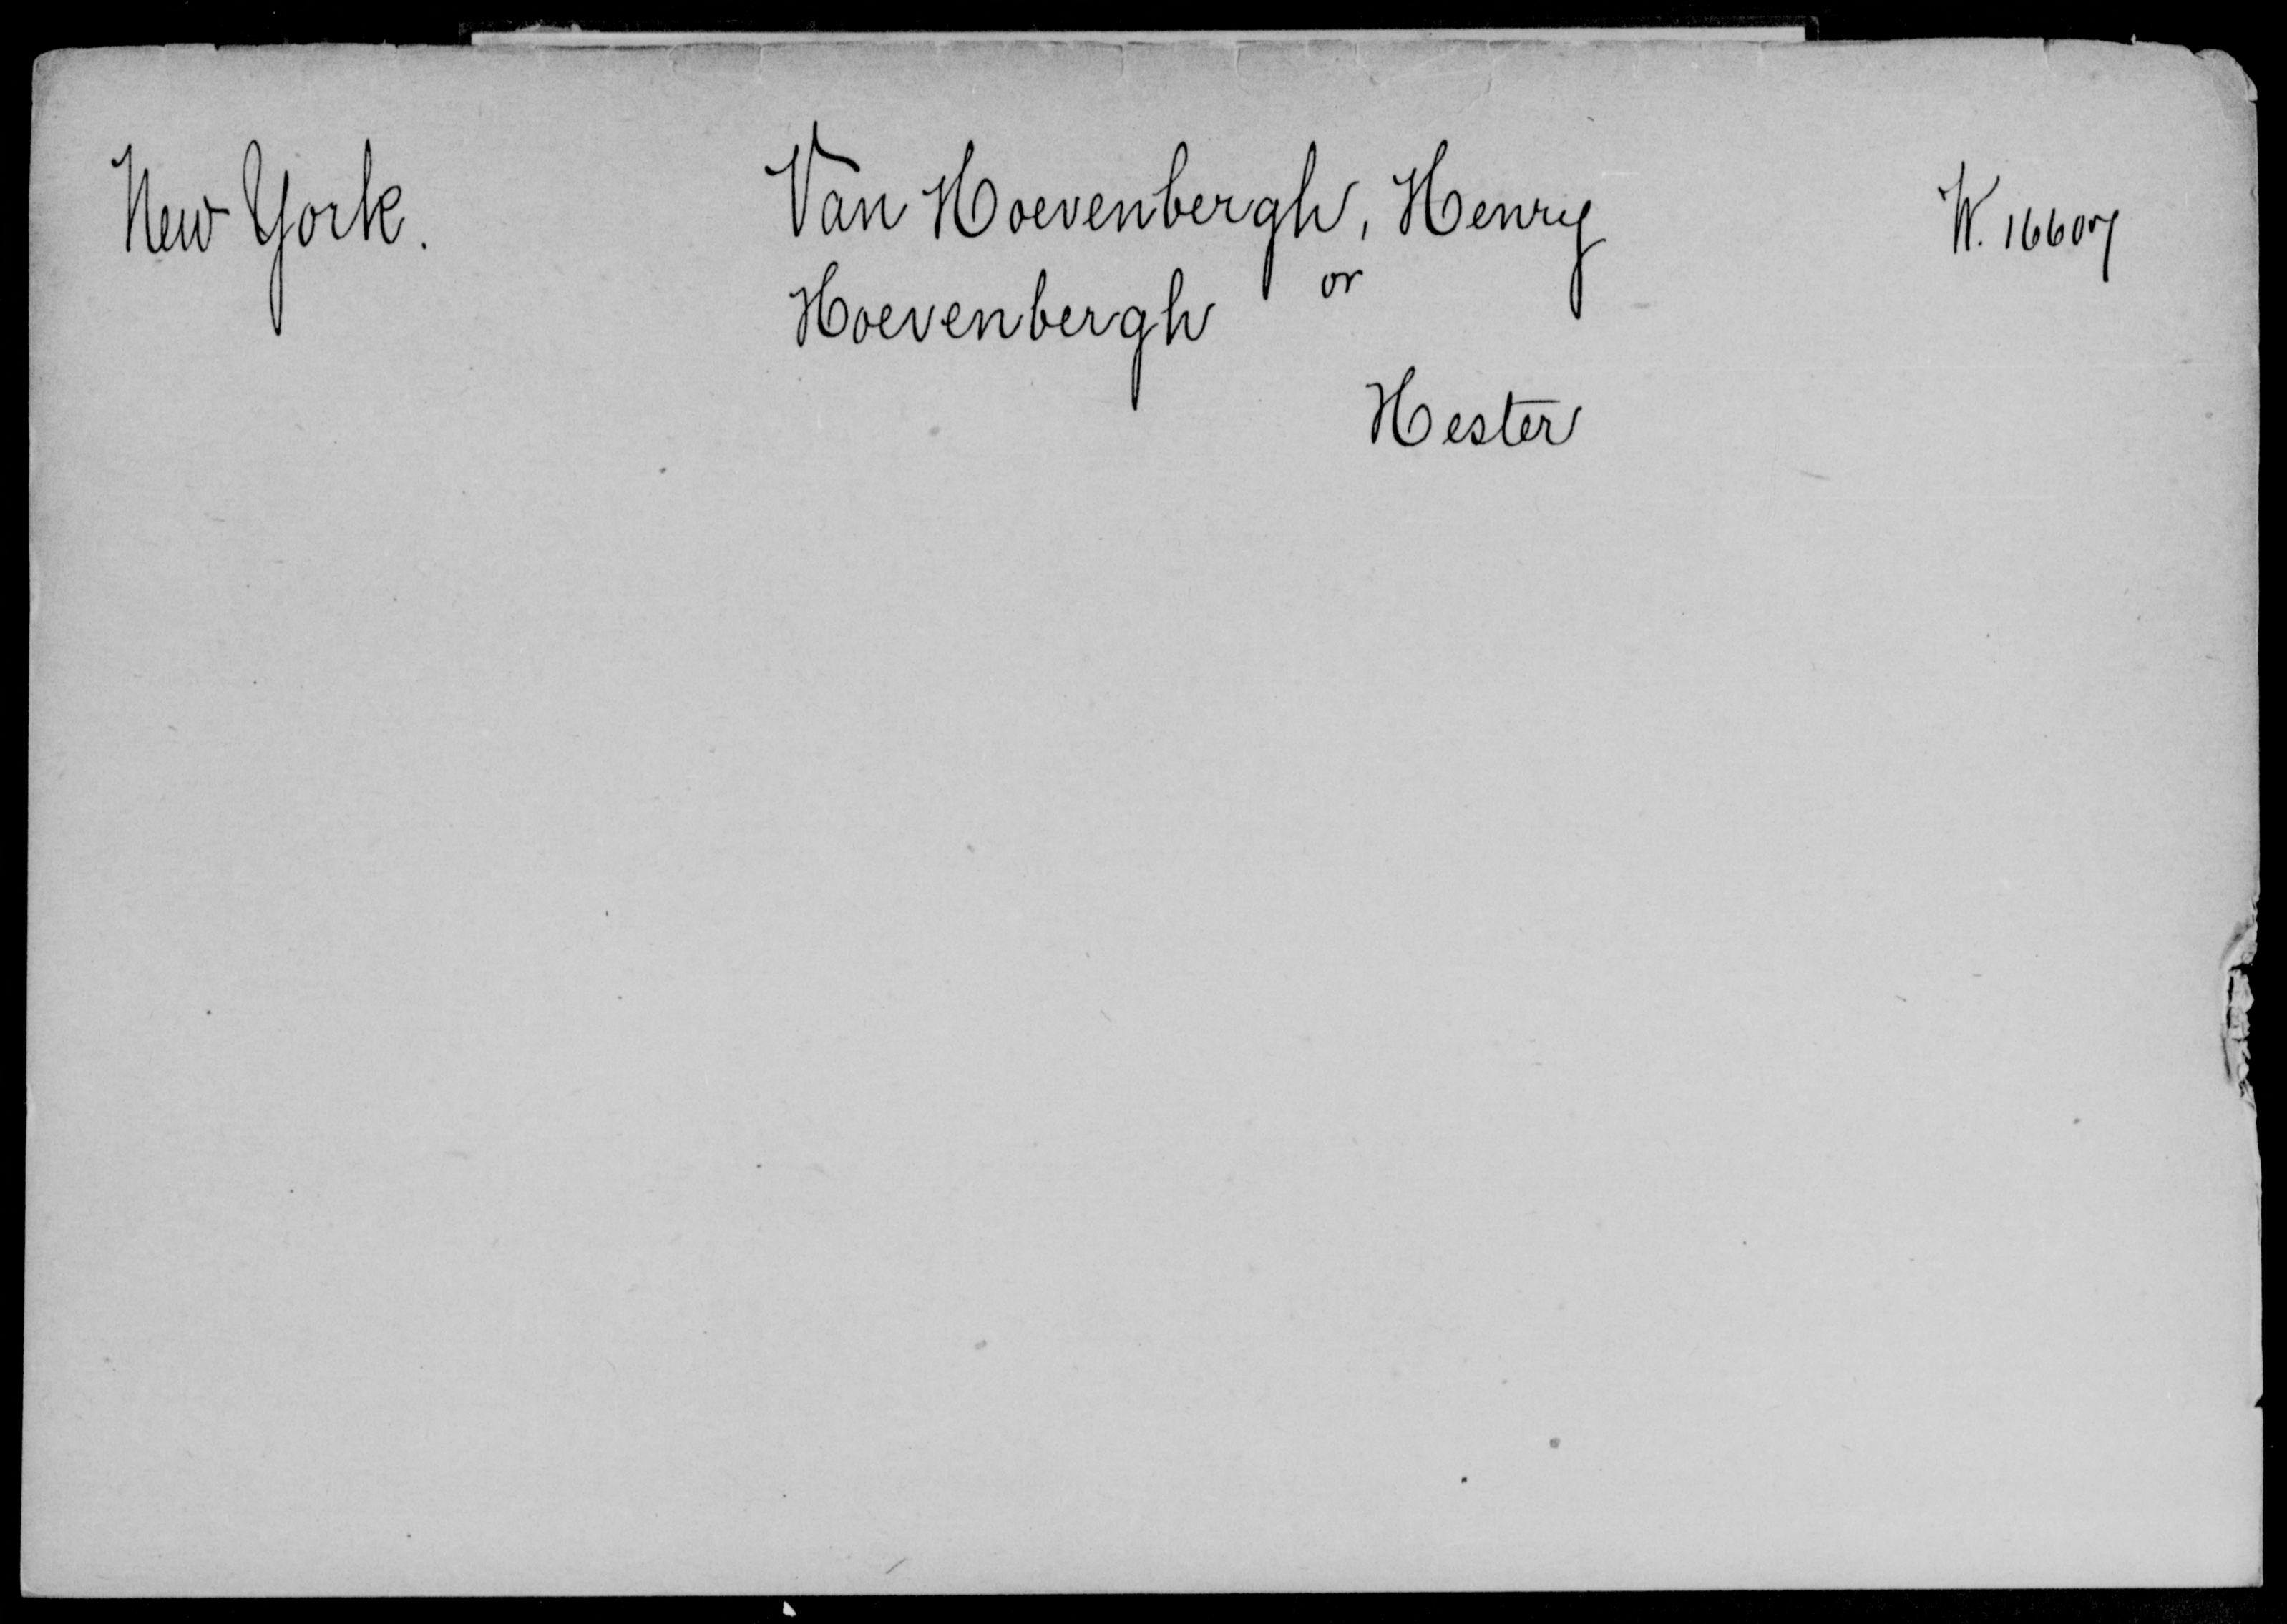New York
Van Hoevenbergh, Henry
or
Hoevenbergh

Hester
W. 16607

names: Hester Hoevenbergh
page: 1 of 1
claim: widow's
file: W. 16607, Henry Van Hoevenbergh, New York